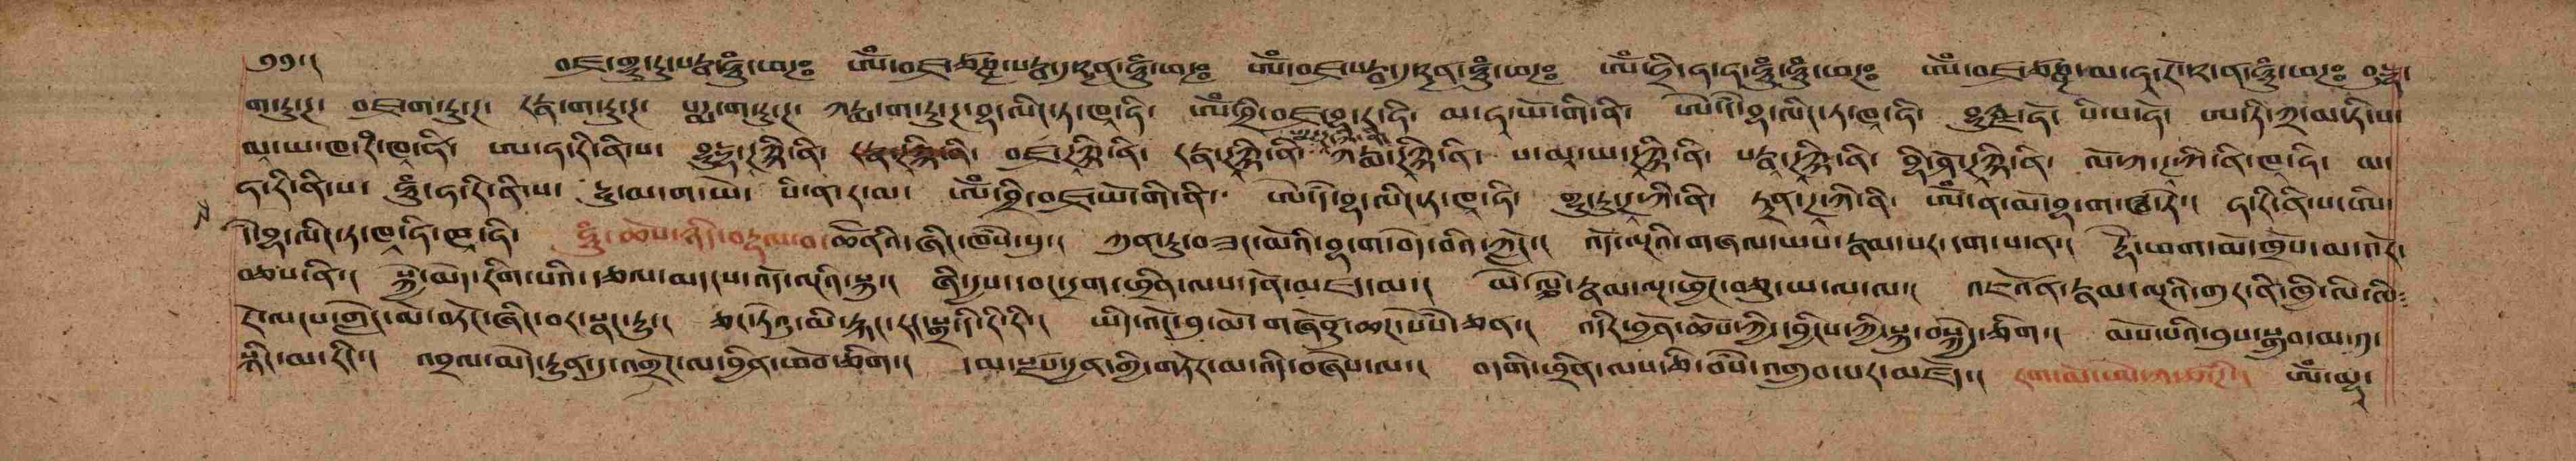༄༅།། བཛྲ་གྷུ་རུ་སརྦ་ཧཱུཾ་ཕཊཿ ཨོཾ་བཛྲ་ཙཎྚ་སརྦ་དུཥྚན་ཧཱུཾ་ཕཊཿ ཨོཾ་ཧྲི་ཧ་ཧ་ཧཱུཾ་ཧཱུཾ་ཕཊཿ ཨོཾ་བཛྲ་ཙཎྚ་མ་ཧཱ་རོ་ར་ན་ཧཱུཾ་ཕཊཿ བུདྡྷ་
ག་རུ་ཊ། བཛྲ་ག་རུ་ཊ། རརྣ་ག་རུ་ཊ། པདྨ་ག་རུ་ཊ། ཀརྨ་ག་རུ་ཊ་བྷ་ལིང་ཏ་ཁཱ་ཧི། ཨོཾ་ཤྲི་བཛྲ་བྷཱ་ར་ཧི། མ་ཧཱ་ཡོ་གི་ནི། ཨེ་དཾ་བྷ་ལིང་ཏ་ཁཱ་ཧི། བྷུཉྗ་ཧོ། པི་པ་ཧོ། ཨ་ཏི་ཀྲ་མ་ཏི་ས་
མ་ཡ་ཁ་རཾ་ཁཱ་ཧི། ཨ་ཧ་རི་ནི་ས། བྷུདྡྷ་ཌཱཀྐི་ནི། བཛྲ་ཌཱཀྐི་ནི། རརྣ་ཌཱཀྐི་ནི། པདྨ་ཌཱཀྐི་ནི། ཀརྨ་ཌཱཀྐི་ནི།ས་མཱ་ཡ་ཌཱཀྐི་ནི། སརྦ་ཌཱཀྐི་ནི། བྷི་ཤོ་ཌཱཀྐི་ནི། ལོ་ཀ་ཌཱཀྐི་ནི་ཁཱ་ཧི། མ་
ཧ་རི་ནི་ས། དྷུ་མ་ག་ཡེ། སི་ན་ར་མ། ཨོཾ་ཤྲི་བཛྲ་ཡོ་གི་ནི། ཨེ་དཾ་བྷ་ལིང་ཏ་ཁཱ་ཧི། གྷུ་རུ་ཌཱཀྐི་ནི། ཏྟྲན་ཌཱཀྐི་ནི། ཨོཾ་ན་མོ་བྷ་ག་ཝ་ཏེ། ཧ་རི་ནི་ས་ཨི་
དཾ་བྷ་ལིང་ཏ་ཁཱ་ཧི་ཁཱ་ཧི། ཧཱུཾ། ཆོས་ཉིད་བརྡལ་པ་ཆེན་པོའི་ཞིང་ཁམས་སུ།། ཀུན་ཏུ་བཟང་མོའི་བྷ་ག་བདེ་བའི་ཀློང་།། འོད་ལྔའི་གཞལ་ཡས་རྣམ་པར་དག་པ་ན།། རྡོ་རྗེ་ཕག་མོ་ཁྲོས་མ་འཁོར་
བཅས་ནི།། སྐྱེ་མེད་རིག་པའི་རྩལ་མདངས་འོད་ལྔའི་སྐུ།། ཞི་རྒྱས་དབང་དྲག་ཕྲིན་ལས་དོན་མཛད་མ།། མེ་ལྕེ་རྣམ་ལྔ་ཕྱོགས་བཅུ་ཡ་ལ་ལ།། འཇའ་ཚོན་རྣམ་ལྔའི་གུར་ནི་ཁྱི་ལི་ལི།། 
རོ་ལངས་གླེང་མོ་བཏོང་ཞིང་བར་སྣང་རྒྱུ། ཅང་ཏེའུ་མི་རྐང་རང་སྒྲ་དི་རི་རི།། ཡིད་འོང་བུ་མོ་གཞོན་ནུ་ཆགས་སེམས་ཅན།། འདིར་བྱོན་ཆོས་ཀྱི་དབྱིངས་ཀྱི་སྐུ་བསྐྱེད་ཅིག། མོས་པའི་བུས་སྒྲུབ་མ་གཅིག་
སྙིང་མ་རིང་།། འབྲལ་མེད་རྒྱུན་དུ་འགྲོགས་ལ་བྱིན་ཕོབ་ཅིག། དམ་རྫས་རྒྱན་གྱི་གཏོར་མ་འདི་བཞེས་ལ།། བདག་གི་ཕྲིན་ལས་ཅི་བསམ་གྲུབ་པར་མཛོད།། རག་མོ་ཨེ་ཀ་ཙ་ཊི། ཨོཾ་མྷཱ་